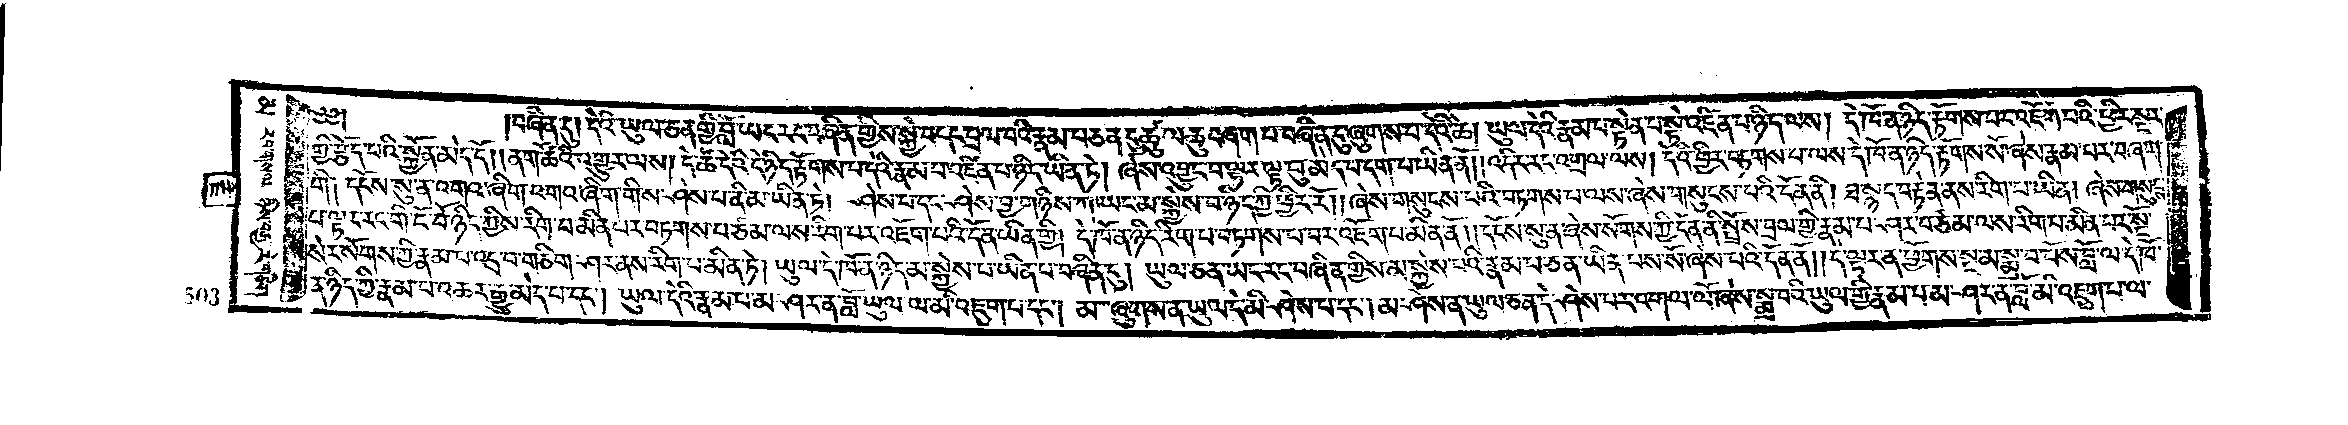༄༅། །བཞིན་དུ། དེའི་ཡུལ་ཅན་གྱི་བློ་ཡང་རང་བཞིན་གྱིས་སྐྱེ་བ་དང་བྲལ་བའི་རྣམ་པ་ཅན་དུ་ཆུ་ལ་ཆུ་བཞག་པ་བཞིན་དུ་ཞུགས་པ་དེའི་ཚེ། ཡུལ་དེའི་རྣམ་པ་སྟེན་པ་སྟེ་འཛིན་པ་ཉིད་ལས། དེ་ཁོ་ན་ཉིད་རྟོགས་པར་འཇོག་པའི་ཕྱིར་སྔར་
གྱི་རྩོད་པའི་སྐྱོན་མེད་དོ། །ནག་ཚོའི་འགྱུར་ལས། དེ་ཚེ་དེའི་དེ་ཉིད་རྟོགས་པ་དེའི་རྣམ་པ་འཛིན་པ་ཉིད་ཡིན་ཏེ། ཞེས་འབྱུང་བ་ལྟར་ལྟ་བུ་མེད་པ་དག་པ་ཡིན་ནོ། །འདིར་རང་འགྲེལ་ལས། དེའི་ཕྱིར་བཏགས་པ་ལས་དེ་ཁོ་ན་ཉིད་རྟོགས་སོ་ཞེས་རྣམ་པར་བཞག་
གི །དངོས་སུ་ན་འགའ་ཞིག་འགའ་ཞིག་གིས་ཤེས་པ་ནི་མ་ཡིན་ཏེ། ཤེས་པ་དང་ཤེས་བྱ་གཉིས་ཀ་ཡང་མ་སྐྱེས་བ་ཉིད་ཀྱི་ཕྱིར་རོ། །ཞེས་གསུངས་པའི་བཏགས་པ་ལས་ཞེས་གསུངས་པའི་དོན་ནི། ཐ་སྙད་བརྟེན་ནས་རིག་པ་ཡིན། ཞེས་གསུངས་
པ་ལྟར་རང་གི་ངོ་བོ་ཉིད་ཀྱིས་རིག་པ་མིན་པར་བཏགས་པ་ཙམ་ལས་རིག་པར་འཇོག་པའི་དོན་ཡིན་གྱི། དེ་ཁོ་ན་ཉིད་རིག་པ་བཏགས་པ་བར་འཇོག་པ་མིན་ནོ། །དངོས་སུ་ན་ཞེས་སོགས་ཀྱི་དོན་ནི་སྤྲོས་བྲལ་གྱི་རྣམ་པ་ཤར་བ་ཙམ་ལས་རིག་པ་མིན་པར་སྔོ་
སེར་སོགས་ཀྱི་རྣམ་པ་འདྲ་བ་ཞིག་ཤར་ནས་རིག་པ་མིན་ཏེ། ཡུལ་དེ་ཁོ་ན་ཉིད་མ་སྐྱེས་པ་ཡིན་པ་བཞིན་དུ། ཡུལ་ཅན་ཡང་རང་བཞིན་གྱིས་མ་སྐྱེས་པའི་རྣམ་པ་ཅན་ཡིན་པས་སོ་ཞེས་པའི་དོན་ནོ། །དེ་ལྟར་ན་ཕྱོགས་སྔ་མ་སྨྲ་བ་པོས་བློ་ལ་དེ་ཁོ་
ན་ཉིད་ཀྱི་རྣམ་པ་འཆར་རྒྱུ་མེད་པ་དང་། ཡུལ་དེའི་རྣམ་པ་མ་ཤར་ན་བློ་ཡུལ་ལ་མི་འཇུག་པ་དང་། མ་ཞུགས་ན་ཡུལ་དེ་མི་ཤེས་པ་དང་། མ་ཤེས་ན་ཡུལ་ཅན་དེ་ཤེས་པར་འགལ་ལོ་ཞེས་སྨྲ་བའི་ཡུལ་གྱི་རྣམ་པ་མ་ཤར་ན་བློ་མི་འཇུག་པ་ལ་